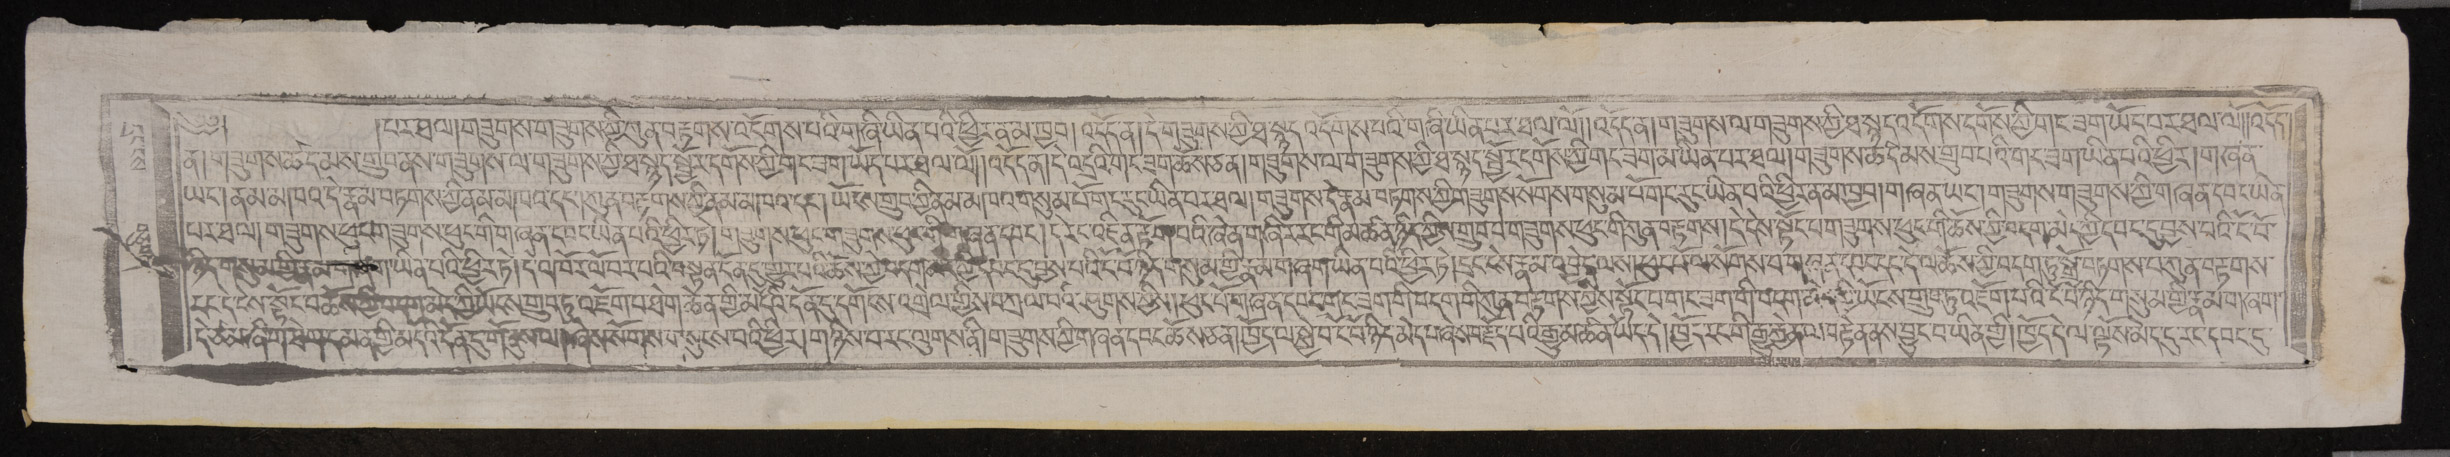༄༅། །པར་ཐལ། གཟུགས་གཟུགས་ཀྱི་ཀུན་བརྟགས་འདོགས་པའི་གཞི་ཡིན་པའི་ཕྱིར་ན་མ་ཁྱབ། འདོད་ན། དེ་གཟུགས་ཀྱི་ཐ་སྙད་འདོགས་པའི་གཞི་ཡིན་པར་ཐལ་ལོ། །འདོད་ན། གཟུགས་ལ་གཟུགས་ཀྱི་ཐ་སྙད་འདོགས་དགོས་ཀྱི་གང་ཟག་ཡོད་པར་ཐལ་ལོ། །འདོད་
ན། གཟུགས་ཚད་མས་གྲུབ་ནས་གཟུགས་ལ་གཟུགས་ཀྱི་ཐ་སྙད་སྦྱོར་དགོས་ཀྱི་གང་ཟག་ཡོད་པར་ཐལ་ལོ། །འདོད་ན། དེ་འདྲའི་གང་ཟག་ཆོས་ཅན། གཟུགས་ལ་གཟུགས་ཀྱི་ཐ་སྙད་སྦྱོར་དགོས་ཀྱི་གང་ཟག་མ་ཡིན་པར་ཐལ། གཟུགས་ཚད་མས་གྲུབ་པའི་གང་ཟག་ཡིན་པའི་ཕྱིར། གཞན་
ཡང་། ནམ་མཁའ་དེ་རྣམ་བཏགས་ཀྱི་ནམ་མཁའ་དང་། ཀུན་བརྟགས་ཀྱི་ནམ་མཁའ་དང་། ཡོངས་གྲུབ་ཀྱི་ནམ་མཁའ་གསུམ་པོ་གང་རུང་ཡིན་པར་ཐལ། གཟུགས་དེ་རྣམ་བཏགས་ཀྱི་གཟུགས་སོགས་གསུམ་པོ་གང་རུང་ཡིན་པའི་ཕྱིར་ན་མ་ཁྱབ། གཞན་ཡང་། གཟུགས་གཟུགས་ཀྱི་གཞན་དབང་ཡིན་
པར་ཐལ། གཟུགས་ཕུང་གཟུགས་ཕུང་གི་གཞན་དབང་ཡིན་པའི་ཕྱིར་ཏེ། གཟུགས་ཕུང་གཟུགས་ཕུང་གི་གཞན་དབང་། དེ་རང་འཛིན་རྟོག་པའི་ཞེན་གཞིར་རང་གི་མཚན་ཉིད་ཀྱིས་གྲུབ་པ་གཟུགས་ཕུང་གི་ཀུན་བརྟགས། དེ་དེས་སྟོང་པ་གཟུགས་ཕུང་གི་ཆོས་ཀྱི་བདག་མེད་ཀྱི་དབང་དུ་བྱས་པའི་ངོ་བོ་
ཉིད་གསུམ་གྱི་རྣམ་གཞག་ཡིན་པའི་ཕྱིར་ཏེ། དེ་འཁོར་ལོ་བར་པའི་བསྟན་དོན་དུ་གྱུར་པའི་ཆོས་ཀྱི་བདག་མེད་ཀྱི་དབང་དུ་བྱས་པའི་ངོ་བོ་ཉིད་གསུམ་གྱི་རྣམ་གཞག་ཡིན་པའི་ཕྱིར་ཏེ། དྲང་ངེས་རྣམ་འབྱེད་ལས། ཕུང་པོ་ལ་སོགས་པ་གཞན་དབང་དང་དེ་ལ་ཆོས་ཀྱི་བདག་ཏུ་སྒྲོ་བཏགས་པ་ཀུན་བརྟགས་
དང་དེ་དེས་སྟོང་པ་ཆོས་ཀྱི་བདག་མེད་ཀྱི་ཡོངས་གྲུབ་ཏུ་འཇོག་པ་ཐེག་ཆེན་གྱི་མདོའི་དོན་དུ་དགོངས་འགྲེལ་གྱིས་བཀྲལ་བའི་ཤུགས་ཀྱིས། ཕུང་པོ་གཞན་དབང་གང་ཟག་གི་བདག་གི་ཀུན་བརྟགས་ཀྱིས་སྟོང་པ་གང་ཟག་གི་བདག་མེད་ཀྱི་ཡོངས་གྲུབ་ཏུ་འཇོག་པའི་ངོ་བོ་ཉིད་གསུམ་གྱི་རྣམ་གཞག་
དེ་ཙམ་ཞིག་ཐེག་དམན་གྱི་མདོའི་དོན་དུ་གོ་ནུས་ལ། ཞེས་སོགས་གསུངས་པའི་ཕྱིར། གཉིས་པ་རང་ལུགས་ནི། གཟུགས་ཀྱི་གཞན་དབང་ཆོས་ཅན། ཁྱོད་ལ་སྐྱེ་བ་ངོ་བོ་ཉིད་མེད་པ་ཞེས་བརྗོད་པའི་རྒྱུ་མཚན་ཡོད་དེ། ཁྱོད་རང་གི་རྒྱུ་རྐྱེན་ལ་བརྟེན་ནས་བྱུང་བ་ཡིན་གྱི། ཁྱོད་དེ་ལ་ལྟོས་མེད་དུ་རང་དབང་དུ་